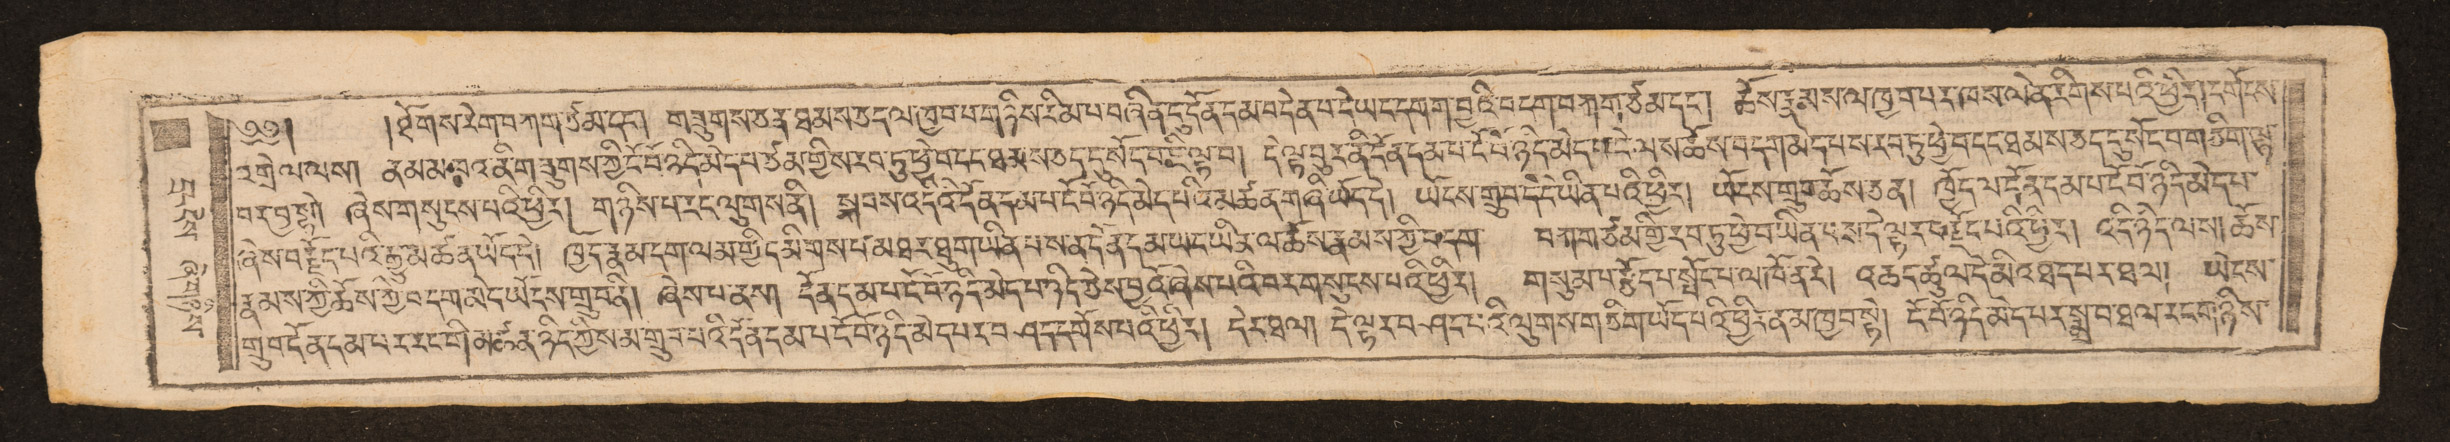༄༅། །ཐོགས་རེག་བཀག་ཙམ་དང་། གཟུགས་ཅན་ཐམས་ཅད་ལ་ཁྱབ་བ་གཉིས་རིམ་པ་བཞིན་དུ་དོན་དམ་བདེན་པ་དེ་ཡང་དགག་བྱའི་བདག་བཀག་ཙམ་དང་། ཆོས་རྣམས་ལ་ཁྱབ་པར་ཁས་ལེན་རིགས་པའི་ཕྱིར། དགོངས་
འགྲེལ་ལས། ནམ་མཁའ་ནི་གཟུགས་ཀྱི་ངོ་བོ་ཉིད་མེད་པ་ཙམ་གྱིས་རབ་ཏུ་ཕྱེ་བ་དང་ཐམས་ཅད་དུ་སོང་བ་ཇི་ལྟ་བ། དེ་ལྟ་བུར་ནི་དོན་དམ་པ་ངོ་བོ་ཉིད་མེད་པ་དེ་ལས་ཆོས་བདག་མེད་པས་རབ་ཏུ་ཕྱེ་བ་དང་ཐམས་ཅད་དུ་སོང་བ་གཅིག་ལྟ་
བར་བྱ་སྟེ། ཞེས་གསུངས་པའི་ཕྱིར། གཉིས་པ་རང་ལུགས་ནི། སྐབས་འདིའི་དོན་དམ་པ་ངོ་བོ་ཉིད་མེད་པའི་མཚན་གཞི་ཡོད་དེ། ཡོངས་གྲུབ་དེ་དེ་ཡིན་པའི་ཕྱིར། ཡོངས་གྲུབ་ཆོས་ཅན། ཁྱོད་ལ་དོན་དམ་པ་ངོ་བོ་ཉིད་མེད་པ་
ཞེས་བརྗོད་པའི་རྒྱུ་མཚན་ཡོད་དེ། ཁྱོད་རྣམ་དག་ལམ་གྱི་དམིགས་པ་མཐར་ཐུག་ཡིན་པས་ན་དོན་དམ་ཡང་ཡིན་ལ་ཆོས་རྣམས་ཀྱི་བདག་བཀག་ཙམ་གྱི་རབ་ཏུ་ཕྱེ་བ་ཡིན་པས་དེ་ལྟར་བརྗོད་པའི་ཕྱིར། འདི་ཉིད་ལས། ཆོས་
རྣམས་ཀྱི་ཆོས་ཀྱི་བདག་མེད་ཡོངས་གྲུབ་ནི། ཞེས་པ་ནས། དོན་དམ་པ་ངོ་བོ་ཉིད་མེད་པ་ཉིད་ཅེས་བྱའོ་ཞེས་པའི་བར་གསུངས་པའི་ཕྱིར། གསུམ་པ་རྩོད་པ་སྤོང་བ་ལ་ཁོ་ན་རེ། འཆང་ཚུལ་དེ་མི་འཐད་པར་ཐལ། ཡོངས་
གྲུབ་དོན་དམ་པར་རང་གི་མཚན་ཉིད་ཀྱིས་མ་གྲུབ་པའི་དོན་དམ་པ་ངོ་བོ་ཉིད་མེད་པར་བཤད་དགོས་པའི་ཕྱིར། དེར་ཐལ། དེ་ལྟར་བཤད་པའི་ལུགས་གཅིག་ཡོད་པའི་ཕྱིར་ན་མ་ཁྱབ་སྟེ། ངོ་བོ་ཉིད་མེད་པར་སྨྲ་བ་ཐལ་རང་གཉིས་